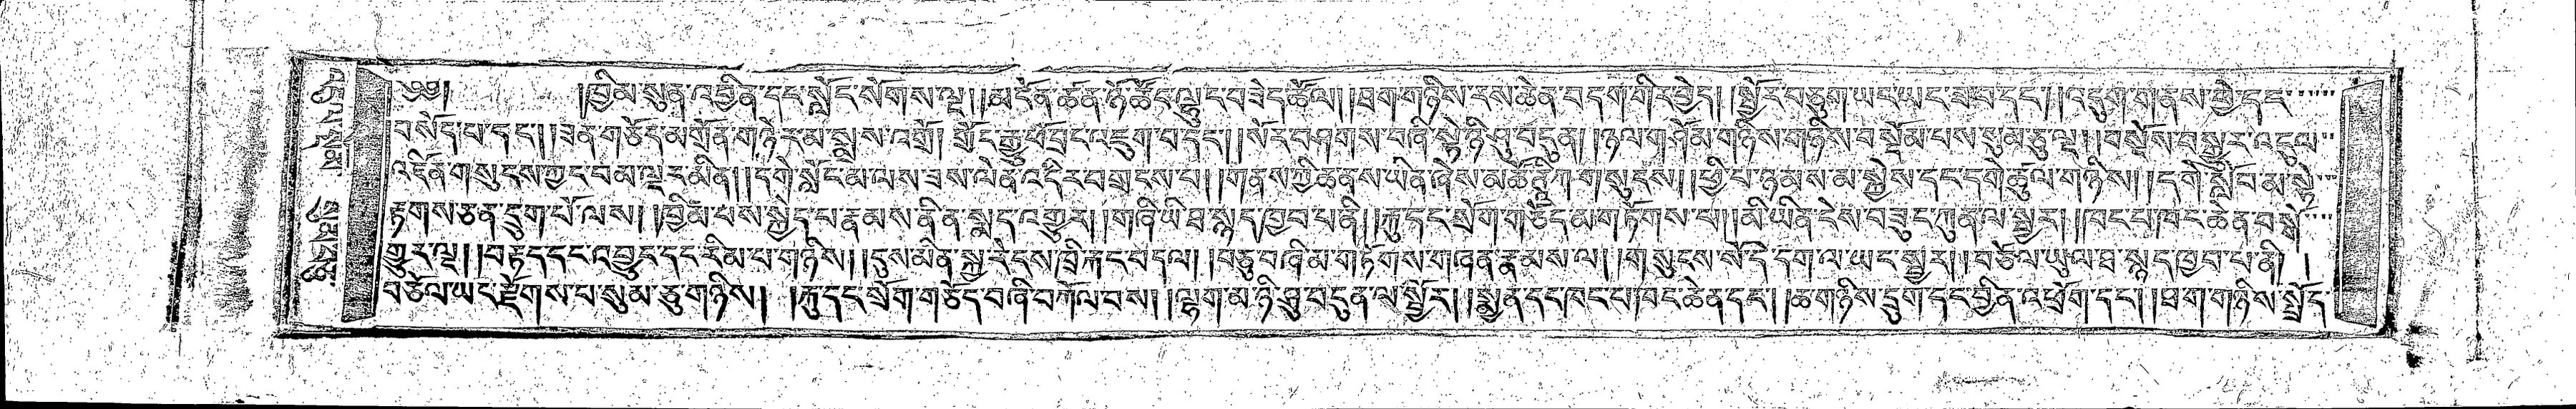༄༅། །ཁྱིམ་སུན་འབྱིན་དང་སློང་སོགས་ལྔ། །མངོན་ཚན་ཉོ་ཚོང་ལྷུང་བཟེད་ཚོལ། །ཐག་གཉིས་རས་ཆེན་བདག་གིར་བྱེད། །སྦྱོར་བཅུག་ཡང་ཡང་ཟ་བ་དང་། །འདུག་གནས་ཕྱེ་དང་
བསོད་པ་དང་། །ཟན་གཅོད་མགྲོན་གཉེར་མ་སྨྲས་འགྲོ་།གྲོང་རྒྱུ་ཕོ་བྲང་འཇུག་པ་དང་། །སོར་བཤགས་བཞི་སྟེ་ཉི་ཤུ་བདུན། །ཉལ་གཤོམ་གཉིས་གཉིས་བསྡོམ་པས་སུམ་ཅུ་ལྔ། །བསྡོས་བསྒྱུར་འདུལ་
འཛིན་གསུངས་ཀྱང་བམ་ལྔར་མིན། །དགེ་སློང་མ་ལས་ཟས་ལེན་འདིར་བགྲངས་པ། །གནས་ཀྱི་ཆ་ནས་ཡིན་ཞེས་མཚོ་ཊཱིཀ་གསུངས། །ཕྱི་པ་ཉམས་མ་སྐྱེས་དང་དགེ་ཚུལ་གཉིས། །དགེ་སློབ་མ་སྟེ་
རྟགས་ཅན་དྲུག་པོ་ལས། །ཁྱིམ་པས་སྐྱེད་པ་རྣམས་ནི་ན་སྨད་འགྱུར། །གཞི་ཡི་ཐ་སྙད་ཁྱབ་པ་ནི། །རྐུ་དང་སྲོག་གཅོད་མ་གཏོགས་པ། །མི་ཡིན་ངེས་བཟུང་ཀུན་ལ་སྦྱར། །ཁང་པ་ཁང་ཆེན་བསྒོ་
གྱུར་ལྔ། །བརྟད་དང་འབྱུང་དང་རིམ་པ་གཉིས། །དུས་མིན་སྐྱ་རེངས་ཁྲི་རྐང་བདལ། །བཅུ་བཞི་མ་གཏོགས་གཞན་རྣམས་ལ། །གསུངས་སོ་དེ་དག་ལ་ཡང་སྦྱར། །བཅོལ་ཡུལ་ཐ་སྙད་ཁྱབ་པ་ནི། །
བཅོལ་ཡང་རྫོགས་པ་སུམ་ཅུ་གཉིས། །རྐུ་དང་སྲོག་གཅོད་བཞི་བཀོལ་བས། །ལྷག་མ་ཉི་ཤུ་བདུན་ལ་སྦྱོར། །སྨྱན་དང་ཁང་པ་ཁང་ཆེན་དང་། །ཆ་གཉིས་དྲུག་དང་བྱིན་འཕྲོག་དང་། །ཐ་ག་གཉིས་སྤྲོད་